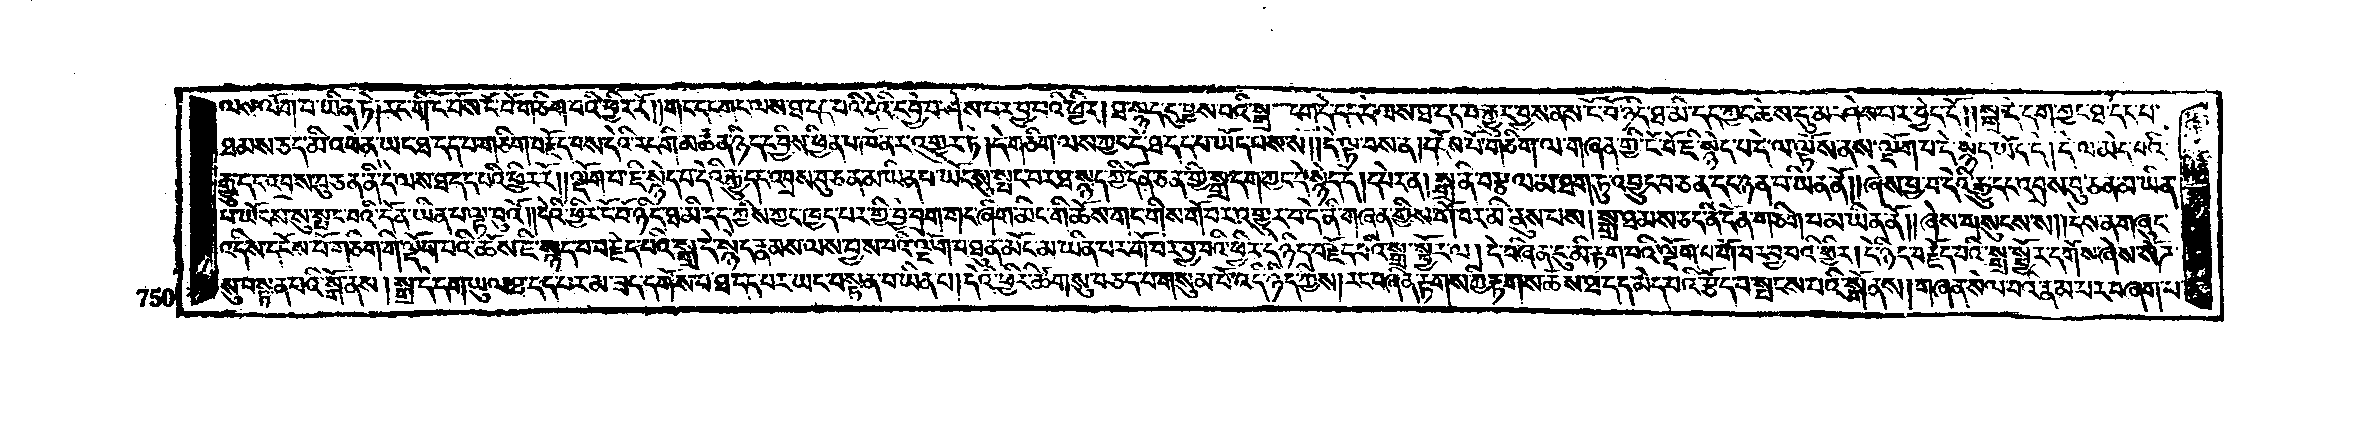ལས་ལོག་པ་ཡིན་ཏེ། རང་གི་ངོ་བོས་ངོ་བོ་གཅིག་པའི་ཕྱིར་རོ། །གང་དང་གང་ལས་ཐ་དད་པའི་དེའི་དབྱེ་བ་ཤེས་པར་བྱ་བའི་ཕྱིར། ཐ་སྙད་དུ་བྱས་པའི་སྒྲ་ངག་དེ་དང་དེ་ལས་ཐ་དད་བ་རྒྱུར་བྱས་ནས་ངོ་བོ་ཉིད་ཐ་མི་དད་ཀྱང་ཆེས་དུ་མ་ཤེས་པར་བྱེད་དོ། །སྒྲ་དེ་དག་ཀྱང་ཐ་དད་པ་
ཐམས་ཅད་མི་འཕེན་ཡང་ཐ་དད་པ་གཅིག་བརྗོད་པས་དེའི་རང་གི་མཚན་ཉིད་དབྱེས་ཕྱིན་པ་ཁོ་ནར་འགྱུར་ཏེ། དེ་གཅིག་ལས་ཀྱང་དེ་ཐ་དད་པ་ཡོད་པས་སོ། །དེ་ལྟ་བས་ན། དངོས་པོ་གཅིག་ལ་གཞན་གྱི་ངོ་བོ་ཇི་སྙེད་པ་དེ་ལ་ལྟོས་ནས་ལྡོག་པ་དེ་སྙེད་ཡོད་དེ། དེ་ལ་མེད་པའི་
རྒྱུ་དང་འབྲས་བུ་ཅན་ནི་དེ་ལས་ཐ་དད་པའི་ཕྱིར་རོ། །ལྡོག་པ་ཇི་སྙེད་པ་དེའི་རྒྱུ་དང་འབྲས་བུ་ཅན་མ་ཡིན་པ་ཡོངས་སུ་སྤང་པར་ཐ་སྙད་ཀྱི་དོན་ཅན་གྱི་སྒྲ་དག་ཀྱང་དེ་སྙེད་དོ། དཔེར་ན། སྒྲ་ནི་བརྩལ་མ་ཐག་ཏུ་འབྱུང་བ་ཅན་དང་ཉན་པ་ཡིན་ནོ། །ཞེས་བྱ་བ་དེའི་རྒྱུ་དང་འབྲས་བུ་ཅན་མ་ཡིན་
པ་ཡོངས་སུ་སྤང་བའི་དོན་ཡིན་པ་ལྟ་བུའོ། །དེའི་ཕྱིར་ངོ་བོ་ཉིད་ཐ་མི་དད་ཀྱིས་ཀྱང་ཁྱད་པར་གྱི་བྱེ་བྲག་གང་ཞིག་མིང་གི་ཆོས་གང་གིས་གོ་བར་འགྱུར་བ་དེ་ནི་གཞན་གྱིས་གོ་བར་མི་ནུས་པས། སྒྲ་ཐམས་ཅད་ནི་དོན་གཅིག་པ་མ་ཡིན་ནོ། །ཞེས་གསུངས་སོ། །དེས་ན་གཞུང་
འདིས་དངོས་པོ་གཅིག་གི་ལྡོག་པའི་ཆོས་ཇི་སྙེད་པ་བརྗོད་པའི་སྒྲ་དེ་སྙེད་རྣམས་ལས་བྱས་པའི་ལྡོག་པ་ཐུན་མོང་མ་ཡིན་པར་གོ་བར་བྱ་བའི་ཕྱིར་དེ་ཉིད་བརྗོད་པའི་སྒྲ་སྦྱོར་ལ། དེ་བཞིན་དུ་མི་རྟག་པའི་ལྡོག་པ་གོ་བར་བྱ་བའི་ཕྱིར། དེ་ཉིད་བརྗོད་པའི་སྒྲ་སྦྱོར་དགོས་ཞེས་སོགས་
སུ་བསྟན་པའི་སྒོ་ནས། སྒྲ་དེ་དག་ཡུལ་ཐ་དད་པར་མ་ཟད་དགོས་པ་ཐ་དད་པར་ཡང་བསྟན་པ་ཡིན་པ། དེའི་ཕྱིར་ཚིགས་སུ་བཅད་པ་གསུམ་པོ་འདི་ཉིད་ཀྱིས། རང་བཞིན་རྟགས་ཀྱི་རྟགས་ཆོས་ཐ་དད་མེད་པའི་རྩོད་པ་སྤངས་པའི་སྒོ་ནས། གཞན་སེལ་བའི་རྣམ་པར་བཞག་པ་